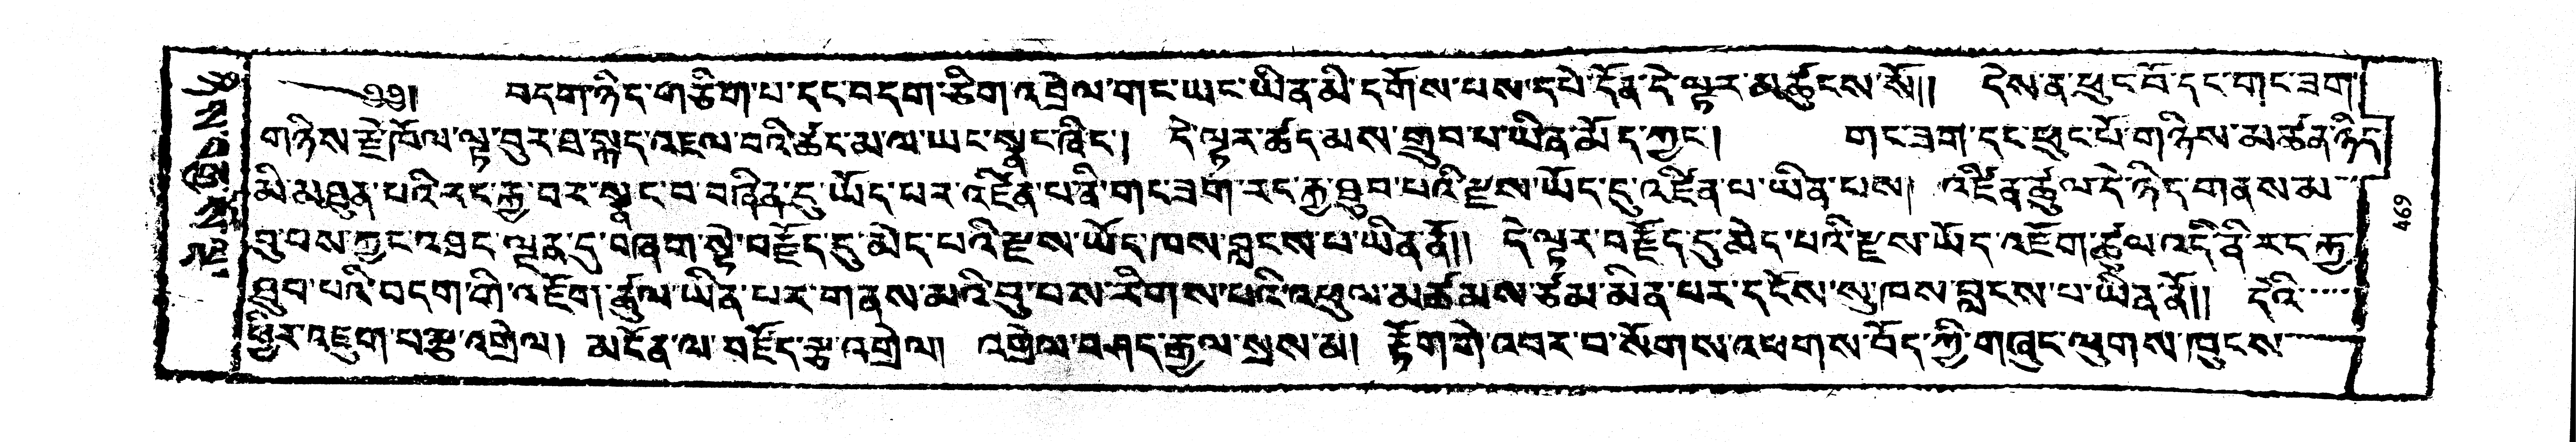༄༅། །བདག་ཉིད་གཅིག་པ་དང་བདག་ཅིག་འབྲེལ་གང་ཡང་ཡིན་མི་དགོས་པས་དཔེ་དོན་དེ་ལྟར་མཚུངས་སོ། །དེས་ན་ཕུང་པོ་དང་གང་ཟག་
གཉིས་རྗེ་ཁོལ་ལྟ་བུར་ཐ་སྙད་འཇལ་བའི་ཚང་མ་ལ་ཡང་སྣང་ཞིང་། དེ་ལྟར་ཚད་མས་གྲུབ་པ་ཡིན་མོད་ཀྱང་། གང་ཟག་དང་ཕུང་པོ་གཉིས་མཚན་ཉིད་
མི་མཐུན་པའི་རང་རྐྱ་བར་སྣང་བ་བཞིན་དུ་ཡོད་པར་འཛིན་པ་ནི་གང་ཟག་རང་རྐྱ་ཐུབ་པའི་རྫས་ཡོད་དུ་འཛིན་པ་ཡིན་པས། འཛིན་ཚུལ་དེ་ཉིད་གནས་མ་
བུ་བས་ཀྱང་འཐད་ལྡན་དུ་བཞག་སྟེ་བརྗོད་དུ་མེད་པའི་རྫས་ཡོད་ཁས་བླངས་པ་ཡིན་ནོ། །དེ་ལྟར་བརྗོད་དུ་མེད་པའི་རྫས་ཡོད་འཇོག་ཚུལ་འདི་ནི་རང་རྐྱ་
ཐུབ་པའི་བདག་གི་འཇོག་ཚུལ་ཡིན་པར་གནས་མའི་བུ་པས་རིགས་པའི་འཕུལ་མཚམས་ཙམ་མིན་པར་དངོས་སུ་ཁས་བླངས་པ་ཡིན་ནོ། དེའི་
ཕྱིར་འཇུག་པ་རྩ་འགྲེལ། མངོན་ལ་བརྗོད་རྩ་འགྲེལ། འགྲེལ་བཤད་རྒྱལ་སྲས་མ། རྟོག་གེ་འབར་བ་སོགས་འཕགས་བོད་ཀྱི་གཞུང་ལུགས་ཁུངས་